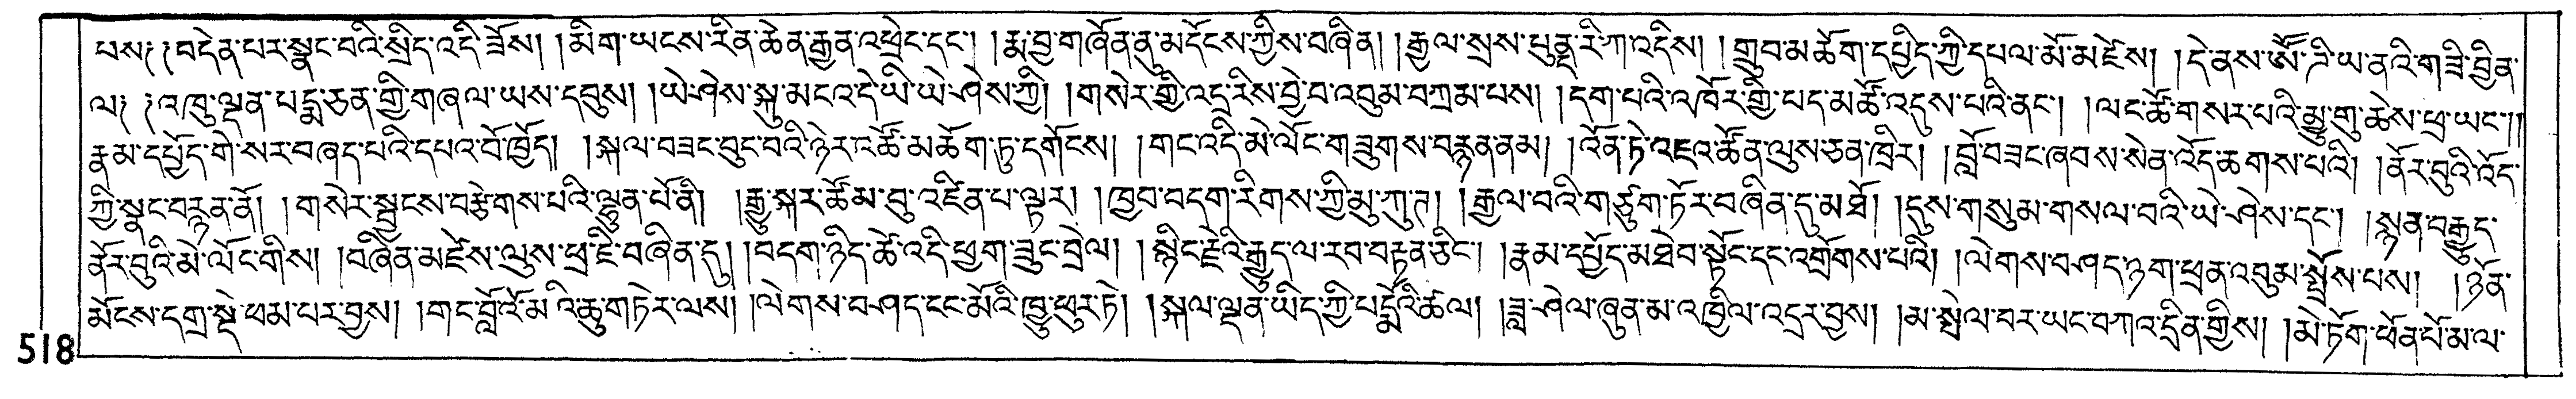པས༑ ༑བདེན་པར་སྣང་བའི་སྲིད་འདི་ཟོས། །མིག་ཡངས་རིན་ཆེན་རྒྱན་འཕྲེང་དང་། །རྨ་བྱ་གཞོན་ནུ་མདོངས་ཀྱིས་བཞིན། །རྒྱལ་སྲས་པུནྡ་རི་ཀ་འདིས། །གྲུབ་མཆོག་དཔྱིད་ཀྱི་དཔལ་མོ་མཛེས། །དེ་ནས་ཨཽ་ཌི་ཡ་ནའི་གཟི་བྱིན་
ལ༑ ༑འཁུ་ལྡན་པདམ་ཅན་གྱི་གཞལ་ཡས་དབུས། །ཡེ་ཤེས་སྐུ་མངའ་དེ་ཡི་ཡེ་ཤེས་ཀྱི། །གསེར་གྱི་འདྲ་རིས་བྱེ་བ་འབུམ་བཀྲམ་པས། །དག་པའི་འཁོར་གྱི་པད་མཚོ་འདུས་པའི་ནང་། །ལང་ཚོ་གསར་པའི་མྱུ་གུ་ཆེས་ཕྲ་ཡང་། །
རྣམ་དཔྱོད་གེ་སར་བཞད་པའི་དཔའ་བོ་ཁྱོད། །སྐལ་བཟང་བུང་བའི་ཉེར་འཚོ་མཆོག་ཏུ་དགོངས། །གང་འདི་མེ་ལོང་གཟུགས་བརྙན་ནམ། །འོན་ཏེ་འཇའ་ཚོན་ལུས་ཅན་ཁྲིར། །བློ་བཟང་ཞབས་སེན་འོད་ཆགས་པའི། །ནོར་བུའི་འོད་
ཀྱི་སྣང་བརྙན་ནོ། །གསེར་སྦྱངས་བརྩེགས་པའི་ལྷུན་པོ་ནི། །རྒྱུ་སྐར་ཚོམ་བུ་འཛིན་པ་ལྟར། །ཁྱབ་བདག་རིགས་ཀྱི་མུ་ཀུ་ཊ། །རྒྱལ་བའི་གཙུག་ཏོར་བཞིན་དུ་མཐོ། །དུས་གསུམ་གསལ་བའི་ཡེ་ཤེས་དང་། །སྙན་བརྒྱུད་
ནོར་བུའི་མེ་ལོང་གིས། །བཞིན་མཛེས་ལུས་ཕྲ་ཇི་བཞིན་དུ། །བདག་ཉིད་ཚེ་འདི་ཕྱག་ཟུང་བྲེལ། །སྙིང་རྗེའི་རྒྱུད་ལ་རབ་བརྟན་ཅིང་། །རྣམ་དཔྱོད་མཐེབ་སྟོང་དང་འགྲོགས་པའི། །ལེགས་བཤད་ཉག་ཕྲན་འབུམ་སྤྲོས་པས། །ཉོན་
མོངས་དགྲ་སྡེ་ཕམ་པར་བྱས། །གང་བློ་འོ་མའི་ཆུ་གཏེར་ལས། །ལེགས་བཤད་ངང་མོའི་ཁྱུ་ཕུར་ཏེ། །སྐལ་ལྡན་ཡིད་ཀྱི་པདམོའི་ཚལ། །ཟླ་ཤེལ་ཞུན་མ་འཁྱིལ་འདྲར་བྱས། །མ་སྤེལ་བར་ཡང་བཀའ་དྲིན་གྱིས། །མེ་ཏོག་ཕོན་པོ་མ་ལ་